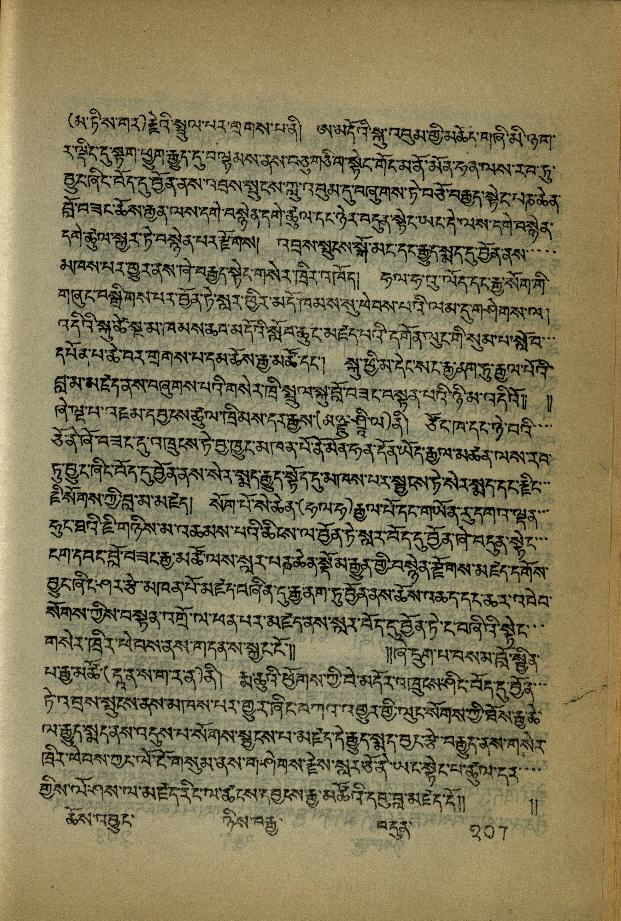མ་ཏི་ས་གར་རྗེའི་སྤྲུལ་པར་གྲགས་པ་ནི། ཨ་མདོའི་སྐུ་འབུམ་གྱི་མཆོད་གཞི་མི་ཉག་
ར་ལྡིང་དུ་སྟག་ཕྱུག་རྒྱུད་དུ་བལྟམས་ནས་བཅུ་གཅིག་སྟེང་གོང་མ་ནོ་མོན་ཧན་ལས་རབ་ཏུ་
བྱུང་ཞིང་བོད་དུ་བྱོན་ནས་འབྲས་སྤུངས་ཀླུ་འབུམ་དུ་བཞུགས་ཏེ་བཅོ་བརྒྱད་སྟེང་པཎ་ཆེན་
བློ་བཟང་ཆོས་རྒྱན་ལས་དགེ་བསྙེན་དགེ་ཚུལ་དང་ཉེར་བདུན་སྟེང་ཡང་དེ་ལས་དགེ་བསྙེན་
དགེ་ཚུལ་སྐྱར་ཏེ་བསྙེན་པར་རྫོགས། འབྲས་སྤུངས་སྒོ་མང་དང་རྒྱུད་སྨད་དུ་བྱོན་ནས་
མཁས་པར་གྱུར་ནས་ཞེ་བརྒྱད་སྟེང་གསེར་ཁྲིར་འཁོད། ཧལ་ཧ་འུ་ལོད་དང་རྒྱ་སོག་གི་
གཞུང་བསྒྲིགས་པར་བྱོན་ཏེ་སླར་ཕྱིར་མདོ་ཁམས་སུ་ཕེབས་པའི་ལམ་དུ་གཤེགས་ལ།
འདིའི་སྐུ་ཚེ་སྔ་མ་ཁམས་ཆབ་མདོའི་སློབ་ཆུང་མཛད་པའི་དགོན་ལུང་གི་སུམ་པ་སློབ་
དཔོན་པ་ཆེ་བར་གྲགས་པ་དམ་ཆོས་རྒྱ་མཚོ་དང་། སྐུ་ཕྱི་མ་དེང་སང་རྒྱ་ནག་ཏུ་རྒྱལ་པོའི་
བླ་མ་མཛད་ནས་བཞུགས་པའི་གསེར་ཁྲི་སྤྲུལ་སྐུ་བློ་བཟང་བསྟན་པའི་ཉི་མ་འདིའོ།། །།
ཞེ་ལྔ་པ་འཇམ་དབྱངས་ཚུལ་ཁྲིམས་དར་རྒྱས་མཉྫུ་ཤྲཱི་ལ་ནི། ཙོང་ཁ་དང་ཉེ་བའི་
ཅོ་ནེ་ཞོ་བཟང་དུ་འཁྲུངས་ཏེ་བྱ་ཁྱུང་མཁན་པོ་ནོ་མོན་ཧན་དོན་ཡོད་རྒྱལ་མཚན་ལས་རབ་ཏུ་
ཏུ་བྱུང་ཞིང་བོད་དུ་བྱོན་ནས་སེར་སྨད་རྒྱུད་སྟོད་དུ་མཁས་པར་སྦྱངས་ཏེ་སེར་སྨད་དང་རྫིང་
ཇི་སོགས་ཀྱི་བླ་མ་མཛད། སོག་པོ་སེ་ཆེན་ཧལ་ཧ་རྒྱལ་པོ་དང་གཡོན་རུ་དགའ་ལྡན་
ཧུང་ཐའི་ཇི་གཉིས་མ་འཆམས་པའི་ཆིངས་ལ་བྱོན་ཏེ་སླར་བོད་དུ་བྱོན་ཞེ་བདུན་སྟེང་
ངག་དབང་བློ་བཟང་རྒྱ་མཚོ་ལས་སླར་པཎ་ཆེན་སྡོམ་རྒྱུན་གྱི་བསྙེན་རྫོགས་མཛད་དགོས་
བྱུང་ཞིང་ཤར་རྩེ་མཁན་པོ་མཛད་བཞིན་དུ་རྒྱ་ནག་ཏུ་བྱོན་ནས་ཆོས་འཆད་དང་ཆར་འབེབ་
སོགས་ཀྱིས་བསྟན་འགྲོ་ལ་ཕན་པར་མཛད་ནས་སླར་བོད་དུ་བྱོན་ཏེ་ང་བཞིའི་སྟེང་
གསེར་ཁྲིར་ཕེབས་ནས་གདན་ས་སྐྱང་ངོ།། །།ཞེ་དྲུག་པ་བསམ་བློ་སྦྱིན་
པ་རྒྱ་མཚོ་དཱ་ན་ས་ག་ར་ན་ནི། རྨ་ཆུའི་ཕྱོགས་ཀྱི་བེ་མདོར་འཁྲུངས་ཤིང་བོད་དུ་བྱོན་
ཏེ་འབྲས་སྤུངས་ནམ་མཁས་པར་གྱུར་ཞིང་བཀའ་འགྱུར་གྱི་ལུང་སོགས་ཀྱི་ཐོས་རྒྱ་ཆེ་
ལ་རྒྱུད་སྨད་ནས་འདུས་པ་སོགས་སྦྱངས་པ་མཛད་དེ་རྒྱུད་སྨད་བྱང་རྩེ་བརྒྱུད་ནས་གསེར་
ཁྲིར་ཕེབས་ཀྱང་ལོ་ངོ་གསུམ་ནས་གཤེགས་རྗེས་སླར་ཅོ་ནེ་ཡང་སྟེང་པ་ཚུལ་དར་
གྱིས་ལོ་ཤས་ལ་མཛད་རིང་ལ་ཚངས་དབྱངས་རྒྱ་མཚོའི་དབུ་བླ་མཛད་དོ།། །།